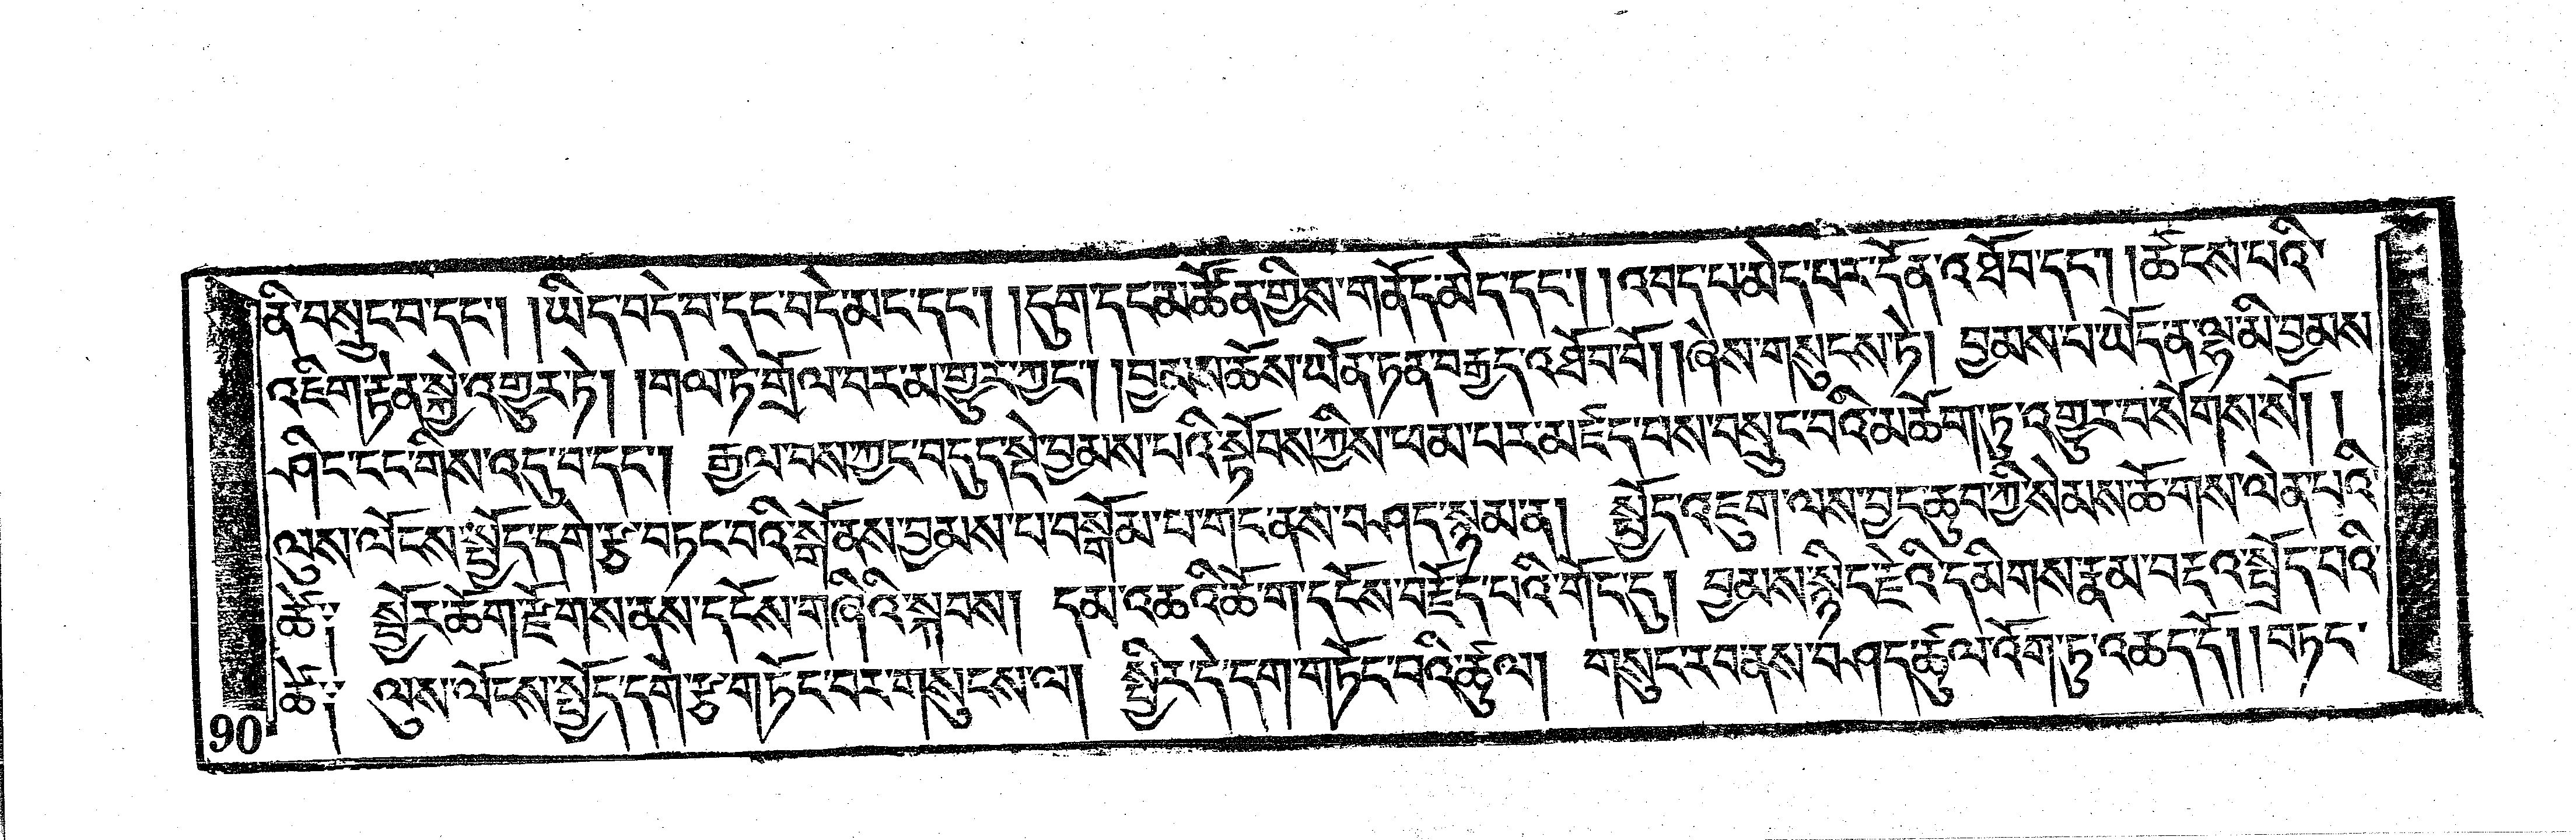ནི་བསྲུང་བ་དང་། །ཡིད་བདེ་བ་དང་བདེ་མང་དང་། །དུག་དང་མཚོན་གྱིས་གནོད་མེད་དང་། །འབད་པ་མེད་པར་དོན་འཐོབ་དང་། །ཚངས་པའི་
འཇིག་རྟེན་སྐྱེ་འགྱུར་ཏེ། །གལ་ཏེ་གྲོལ་བར་མ་གྱུར་ཀྱང་། །བྱམས་ཆོས་ཡོན་ཏན་བརྒྱད་འཐོབ་བོ། །ཞེས་གསུངས་ཏེ། བྱམས་པ་ཡོད་ན་ལྷ་མི་བྱམས་
ཤིང་ངང་གིས་འདུ་བ་དང་། རྒྱལ་བས་ཀྱང་བདུད་སྡེ་བྱམས་པའི་སྟོབས་ཀྱིས་ཕམ་པར་མཛད་པས་བསྲུང་བའི་མཆོག་ཏུ་འགྱུར་བ་སོགས་སོ། །
ལུས་ལོངས་སྤྱོད་དགེ་རྩ་བཏང་བའི་སྒོ་ནས་བྱམས་པ་བསྒོམ་པ་གང་ནས་བཤད་སྙམ་ན། སྤྱོད་འཇུག་ལས་བྱང་ཆུབ་ཀྱི་སེམས་ཆོ་གས་ལེན་པའི་
ཚེ༑ སྦྱོར་ཆོག་རྫོགས་ནས་དངོས་གཞིའི་སྐབས། དམ་འཆའི་ཆོ་ག་དངོས་བརྗོད་པའི་གོང་དུ། བྱམས་སྙིང་རྗེའི་དམིགས་རྣམ་བརྡའ་སྤྲོད་པའི་
ཚེ༑ ལུས་ལོངས་སྤྱོད་དགེ་རྩ་གཏོང་བར་གསུངས་ལ། སྤྱིར་དེ་དག་གཏོང་བའི་ཚུལ། གསུང་རབ་ནས་བཤད་ཚུལ་འོག་ཏུ་འཆད་དོ། །བཏང་